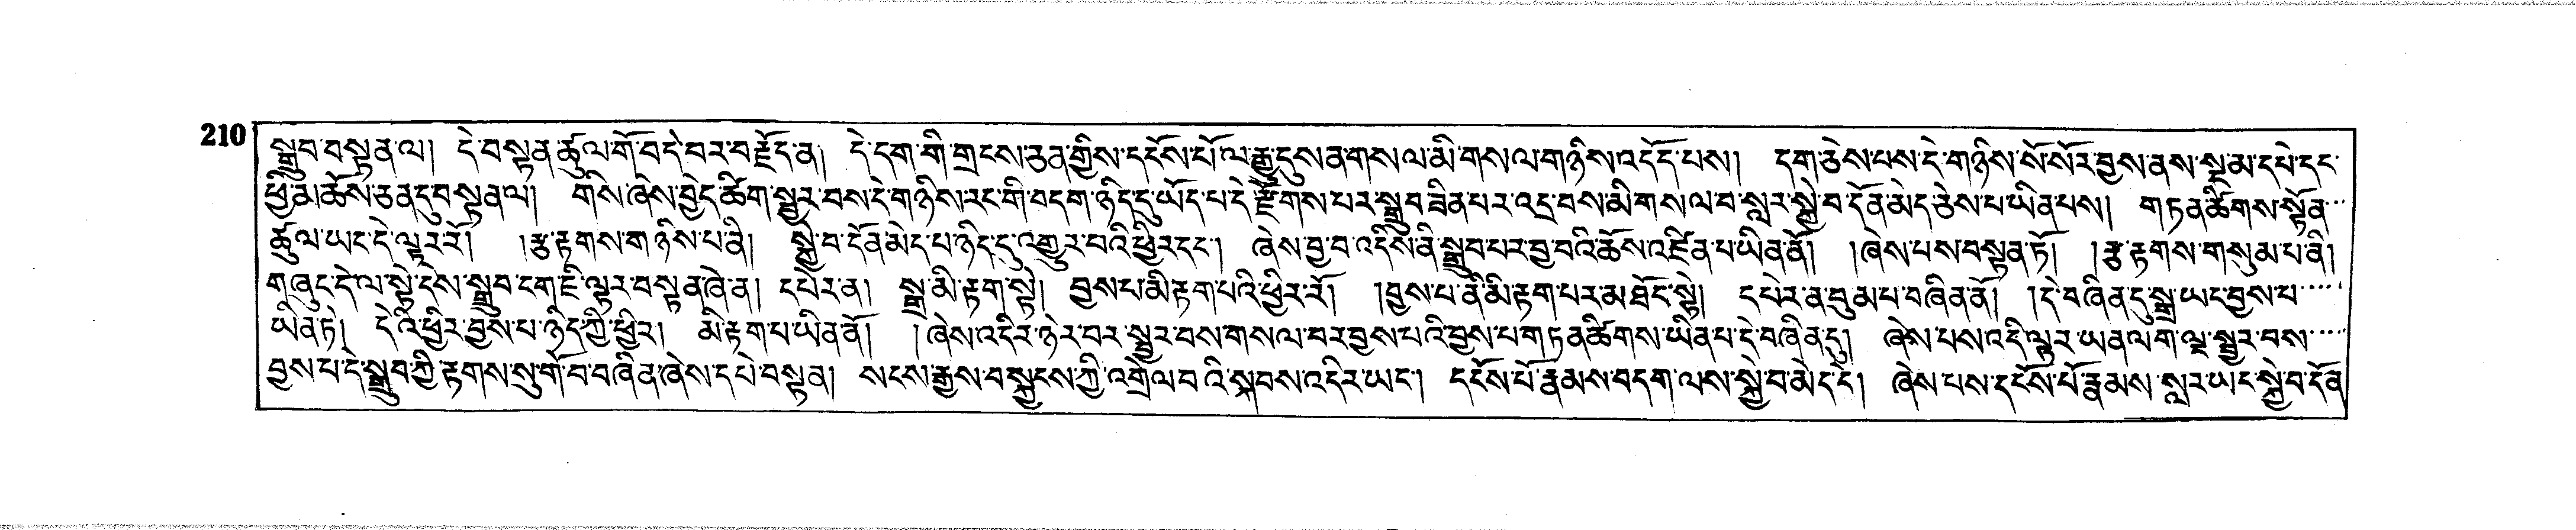སྒྲུབ་བསྟན་ལ། དེ་བསྟན་ཚུལ་གོ་བདེ་བར་བརྗོད་ན། དེ་དག་གི་གྲངས་ཅན་གྱིས་དངོས་པོ་ལ་རྒྱུ་དུས་ན་གསལ་མི་གསལ་གཉིས་འདོད་པས། དག་ཅེས་པས་དེ་གཉིས་སོ་སོར་བྱས་ནས་སྔ་མ་དཔེ་དང་
ཕྱི་མ་ཆོས་ཅན་དུ་བསྟན་ལ། གིས་ཞེས་བྱེད་ཚིག་སྦྱར་བས་དེ་གཉིས་རང་གི་བདག་ཉིད་དུ་ཡོད་པ་དེ་རྫོགས་པར་སྒྲུབ་ཟིན་པར་འདྲ་བས་མི་གསལ་བ་སླར་སྐྱེ་བ་དོན་མེད་ཅེས་པ་ཡིན་པས། གཏན་ཚིགས་སྟོན་
ཚུལ་ཡང་དེ་ལྟར་རོ། །རྩ་རྟགས་གཉིས་པ་ནི། སྐྱེ་བ་དོན་མེད་པ་ཉིད་དུ་འགྱུར་བའི་ཕྱིར་དང་། ཞེས་བྱ་བ་འདིས་ནི་སྒྲུབ་པར་བྱ་བའི་ཆོས་འཛིན་པ་ཡིན་ནོ། །ཞེས་པས་བསྟན་ཏོ། །རྩ་རྟགས་གསུམ་པ་ནི།
གཞུང་དེ་ལ་སྟེ་དེས་སྒྲུབ་ངག་ཇི་ལྟར་བསྟན་ཞེ་ན། དཔེར་ན། སྒྲ་མི་རྟག་སྟེ། བྱས་པ་མི་རྟག་པའི་ཕྱིར་རོ། །བྱས་པ་ནི་མི་རྟག་པར་མཐོང་སྟེ། དཔེར་ན་བུམ་པ་བཞིན་ནོ། །དེ་བཞིན་དུ་སྒྲ་ཡང་བྱས་པ་
ཡིན་ཏེ། དེའི་ཕྱིར་བྱས་པ་ཉིད་ཀྱི་ཕྱིར། མི་རྟག་པ་ཡིན་ནོ། །ཞེས་འདིར་ཉེར་བར་སྦྱར་བས་གསལ་བར་བྱས་པའི་བྱས་པ་གཏན་ཚིགས་ཡིན་པ་དེ་བཞིན་དུ། ཞེས་པས་འདི་ལྟར་ཡན་ལག་ལྔ་སྦྱར་བས་
བྱས་པ་དེ་སྒྲུབ་ཀྱི་རྟགས་སུ་གོ་བ་བཞིན་ཞེས་དཔེ་བསྟན། སངས་རྒྱས་བསྐྱངས་ཀྱི་འགྲེལ་བའི་སྐབས་འདིར་ཡང་། དངོས་པོ་རྣམས་བདག་ལས་སྐྱེ་བ་མེད་དེ། ཞེས་པས་དངོས་པོ་རྣམས་སླར་ཡང་སྐྱེ་བ་དོན་